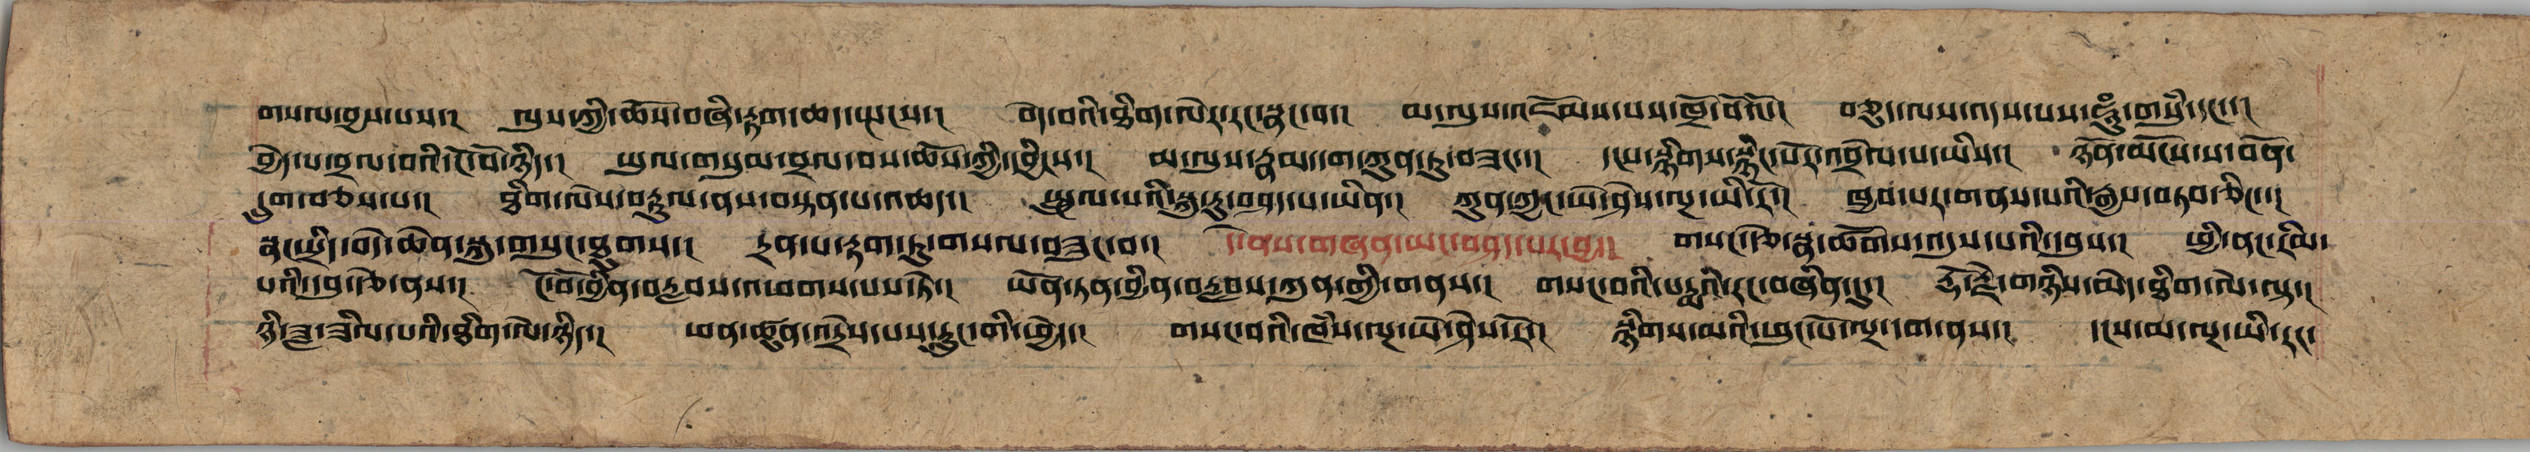གསལ་བྱས་པས་། ལུས་ཀྱི་ཆོས་བཞི་རྟག་ཆད་སྤངས་། བདེ་བའི་ཐིག་ལེར་རང་སྣང་བ་། མ་ལུས་འཇོམས་པས་ཁྲོ་བོའོ་། བཅུད་ལས་འདས་པས་ཧཱུཾ་གསུཾ་དང་་།
བྱེད་པ་བྲལ་བའི་ངོ་བོ་ཉིད་། ཡུལ་གསུམ་བྲལ་བས་ཆོས་ཀྱི་དབྱིངས་། མ་ལུས་རྣམ་དག་ཀུན་ཏུ་བཟང་་། དངས་སྙིགས་སྙིང་པོར་འབྲེལ་པ་ཡིས་། ཉོན་མོངས་ས་བོན་
དྲུག་བཅས་པ་། ཐིག་ལེས་བརྟུལ་ནས་བསྟན་པ་འཆད་། སྤྲུལ་པའི་སྐུ་རུ་བཤད་པ་ཡིན་། ཀུན་ཀྱང་ཡེ་ཤེས་ལྔ་ཡི་རོ་། ཁྱབ་པར་གནས་པའི་རྒྱས་བཏབ་ཅིང་་།
སྣང་སྲིད་བདེ་ཆེན་སྐུ་གསུང་ཐུགས་། དྲན་པ་རྟག་ཏུ་གསལ་བཟུང་བ་། དེ་ནས་གཞན་ཡང་བཤད་པར་བྱ་། གསང་རྩེ་སྣ་ཚོགས་འདུས་པའི་དབུས་། ཕྱི་ནང་རིམ་
པའི་དབུ་རྩེ་ནས་། ངོ་བོ་བྱིན་བརླབས་འཕགས་པས་ཏེ་། ཡོན་ཏན་བྱིན་བརླབས་ཀུན་གྱི་གནས་། གསང་བའི་པདྨའི་རང་བཞིན་དུ་། རྡོ་རྗེ་གཉིས་མེད་ཐིག་ལེ་ལྟ་།
ཉི་ཟླ་ཟིལ་པའི་ཐིག་ལེ་ཉིད་། ཕན་ཚུན་འདྲེས་པས་རླུང་གི་ཕྱེད་། གསང་བའི་ཁཾས་ལྔ་ཡེ་ཤེས་རོ་། སྙིགས་མའི་ཕུང་པོ་ལྔ་དག་ནས་། དངས་མ་ལྔ་ཡི་རང་